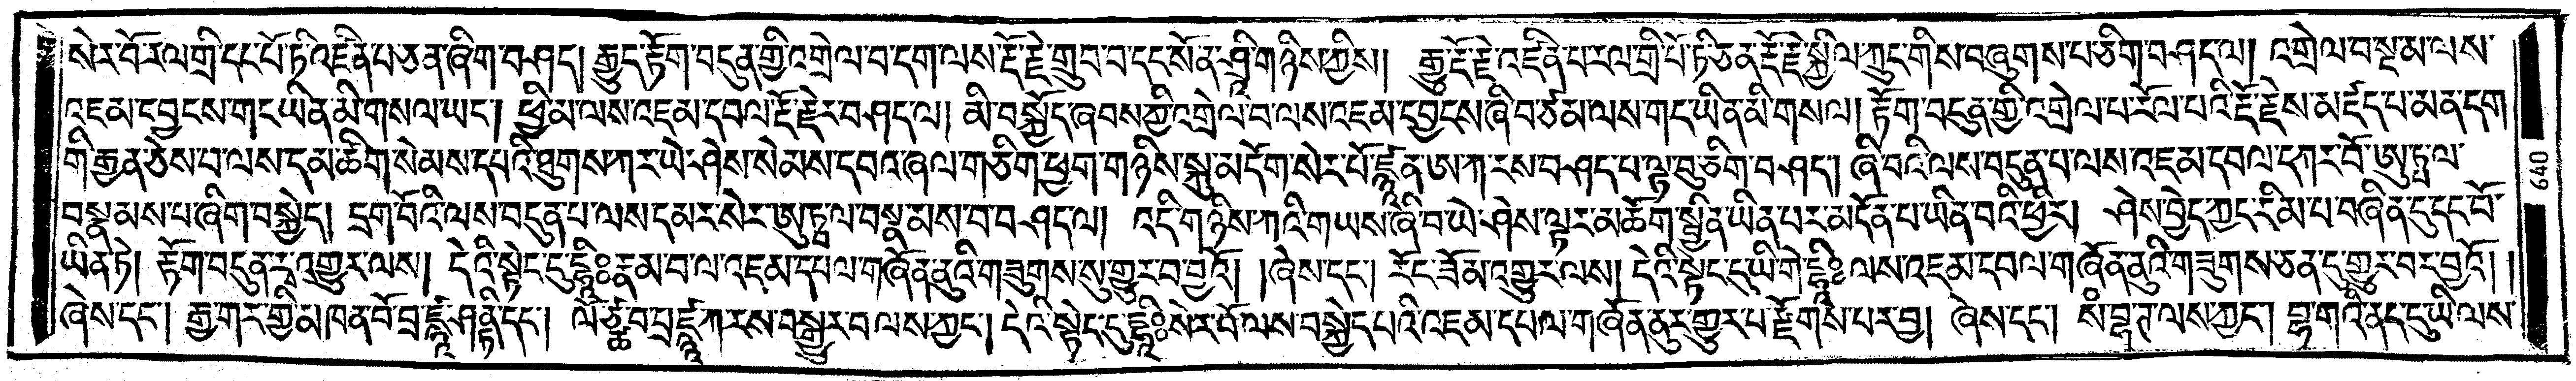སེར་པོ་རལ་གྲི་དང་པོ་ཏི་འཛིན་པ་ཅན་ཞིག་བཤད། རྒྱུད་རྟོག་བདུན་གྱི་འགྲེལ་བ་དག་ལས་རྡོ་རྗེ་གྲུབ་པ་དང་སོན་ཤྲཱི་གཉིས་ཀྱིས། རྒྱུ་རྡོ་རྗེ་འཛིན་པ་རལ་གྲི་པོ་ཏི་ཅན་རྡོ་རྗེ་སྐྱིལ་ཀྲུང་གིས་བཞུགས་པ་ཅིག་བཤད་ལ། འགྲེལ་བ་སྔ་མ་ལས་
འཇམ་དབྱངས་གང་ཡིན་མི་གསལ་ཡང་། ཕྱི་མ་ལས་འཇམ་དཔལ་རྡོ་རྗེར་བཤད་ལ། མི་བསྐྱོད་ཞབས་ཀྱི་འགྲེལ་བ་ལས་འཇམ་དབྱངས་ཞི་བ་ཙམ་ལས་གང་ཡིན་མི་གསལ། རྟོག་བདུན་གྱི་འགྲེལ་པ་རོལ་པའི་རྡོ་རྗེས་མཛད་པ་མན་ངག་
གི་རྒྱན་ཅེས་བ་ལས་དམ་ཚིག་སེམས་དཔའི་ཐུགས་ཀར་ཡེ་ཤེས་སེམས་དཔའ་ཞལ་གཅིག་ཕྱག་གཉིས་སྐུ་མདོག་སེར་པོ་ཛྙཱན་ཨ་ཀ་རས་བཤད་པ་ལྟ་བུ་ཅིག་བཤད། ཞི་བའི་ལས་བདུན་པ་ལས་འཇམ་དཔལ་དཀར་པོ་ཨུཏྤ་ལ་
བསྣམས་པ་ཞིག་བསྐྱེད། དྲག་པོའི་ལས་བདུན་པ་ལས་དམར་སེར་ཨུཏྤ་ལ་བསྣམས་པ་བཤད་ལ། འདི་གཉིས་ཀའི་གཡས་ཞི་བ་ཡེ་ཤེས་ལྟར་མཆོག་སྦྱིན་ཡིན་པར་མདོན་པ་ཡིན་བའི་ཕྱིར། ཤེས་བྱེད་ཀྱང་རིམ་པ་བཞིན་དུ་དང་པོ་
ཡིན་ཏེ། རྟོག་བདུན་རྭ་འགྱུར་ལས། དེའི་སྟེང་དུ་དྷཱིཿརྣམ་པ་ལ་འཇམ་དཔལ་གཞོན་ནུའི་གཟུགས་སུ་གྱུར་བ་བྱའོ། །ཞེས་དང་། རོང་ཟོམ་འགྱུར་ལས། དེའི་སྟེང་དུ་ཡི་གེ་དྷཱིཿལས་འཇམ་དཔལ་གཞོན་ནུའི་གཟུགས་ཅན་དུ་གྱུར་བར་བྱའོ། །
ཞེས་དང་། རྒྱ་གར་གྱི་མཁན་པོ་པྲ་ཛྙཱ་ཤནྟི་དང་། ལོ་ཙྪ་བ་པྲཛྙཱ་ཀ་རས་བསྒྱུར་བ་ལས་ཀྱང་། དེའི་སྟེང་དུ་དྷཱིཿསེར་པོ་ལས་བསྐྱེད་པའི་འཇམ་དཔལ་གཞོན་ནུར་གྱུར་པ་རྫོགས་པར་བྱ། ཞེས་དང་། སཾ་བྷ་ཊ་ལས་ཀྱང་། བྷ་གའི་ནང་དུ་ཡི་ལས་